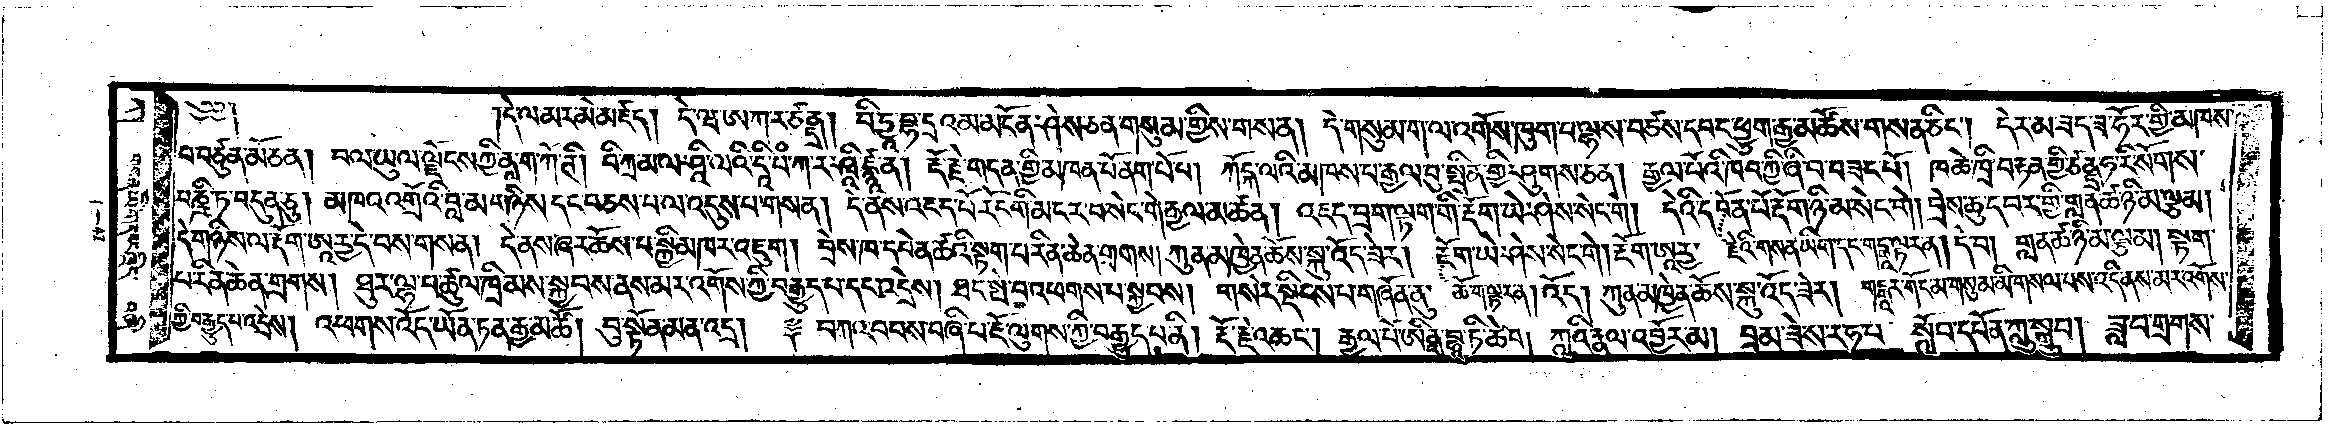༄༅། །དེ་ལ་མར་མེ་མཛད། དེ་ཝ་ཨ་ཀ་ར་ཙནྡྲ། བིདྱཱ་བྷ་དྲའམ་མངོན་ཤེས་ཅན་གསུམ་གྱིས་གསན། དེ་གསུམ་ག་ལ་འགོས་ཁུག་པ་ལྷས་བཙས་དབང་ཕྱུག་རྒྱ་མཚོས་གསན་ཅིང་། དེར་མ་ཟད་ཟ་ཧོར་གྱི་མཁས་
པ་བཙུན་མ་ཅན། བལ་ཡུལ་ལྗོངས་ཀྱི་ནཱ་ག་ཀེ་ཊི། བཀྲི་མལ་ཤཱི་ལའི་དཱི་པཾ་ཀ་ར་ཤྭཱི་ཛྙཱ་ན། རྡོ་རྗེ་གདན་གྱི་མཁན་པོ་ནག་པོ་བ། ཀོངྐ་ལའི་མཁས་པ་རྒྱལ་བུ་སྤྲིན་གྱི་ཤུགས་ཅན། རྒྱལ་པོའི་ཁབ་ཀྱི་ཞི་བ་བཟང་པོ། ཁ་ཆེ་ཁྲི་བརྟན་གྱི་ཙནྡྲ་ཧ་རི་སོགས་
པནྜི་ཏ་བདུན་ཅུ། མཁའ་འགྲོའི་བླ་མ་གཉིས་དང་བཅས་པ་ལ་འདུས་པ་གསན། དེ་ནས་འཇད་པོ་རོང་གི་མང་ར་བ་སེང་གེ་རྒྱལ་མཚན། འཇད་བྲག་ལྟག་གི་རྡོག་ཡེ་ཤེས་སེང་གེ། དེའི་རྗེའི་གསན་ཡིག་དང་ག་བཱ་ལྟར་ན།  དབོན་པོ་རྡོག་ཉི་མ་སེང་གེ། བྲེས་ཆུད་བར་གྱི་གླན་ཚ་ཉི་མ་ལྕམ།
དེ་གཉིས་ལ་རྟག་ཨཱརྱ་དེ་བས་གསན། དེ་ནས་ཟེར་ཆོས་པས་ཀྱི་མཁར་འཇུག། བྲེས་ཁ་དཔེན་ཚའི་སྟག་པ་རིན་ཆེན་གྲགས། ཀུན་མཁྱེན་ཆོས་སྐུ་འོད་ཟེར། ཆོ་ག་ལྟར་ན།  རྔོག་ཡེ་ཤེས་སེང་གེ། རྔོག་ཨཱརྱ་གླན་ཚ་ཉི་མ་ལྕམ། སྟག་
པ་རིན་ཆེན་གྲགས། ཐུར་ལྷ་བ་ཚུལ་ཁྲིམས་སྐྱབས་ནས་མར་འགོས་ཀྱི་བརྒྱུད་པ་དང་འདྲེས། ཐང་སྤེ་བ་འཕགས་པ་སྐྱབས། གསེར་སྡིངས་པ་གཞོན་ནུ། འོད། ཀུན་མཁྱེན་ཆོས་སྐུ་འོད་ཟེར། གངྒཱར་གོང་མ་གསུམ་མི་གསལ་པས་འདི་ནས་མར་འགོས
ཀྱི་བརྒྱུད་པ་འདྲེས། འཕགས་འོད་ཡོན་ཏན་རྒྱ་མཚོ། བུ་སྟོན་མན་འདྲ། ༈ བཀའ་བབས་བཞི་པ་ཇོ་ལུགས་ཀྱི་བརྒྱུད་པ་ནི། རྡོ་རྗེ་འཆང་། རྒྱལ་པོ་ཨིནཱ་བྷཱ་ཏི་ཚེ་བ། ཀླུའི་རྣལ་འབྱོར་མ། བྲམ་ཟེ་ས་ར་ཧ་པ་སློབ་དཔོན་ཀླུ་སྒྲུབ། ཟླ་བ་གྲགས་